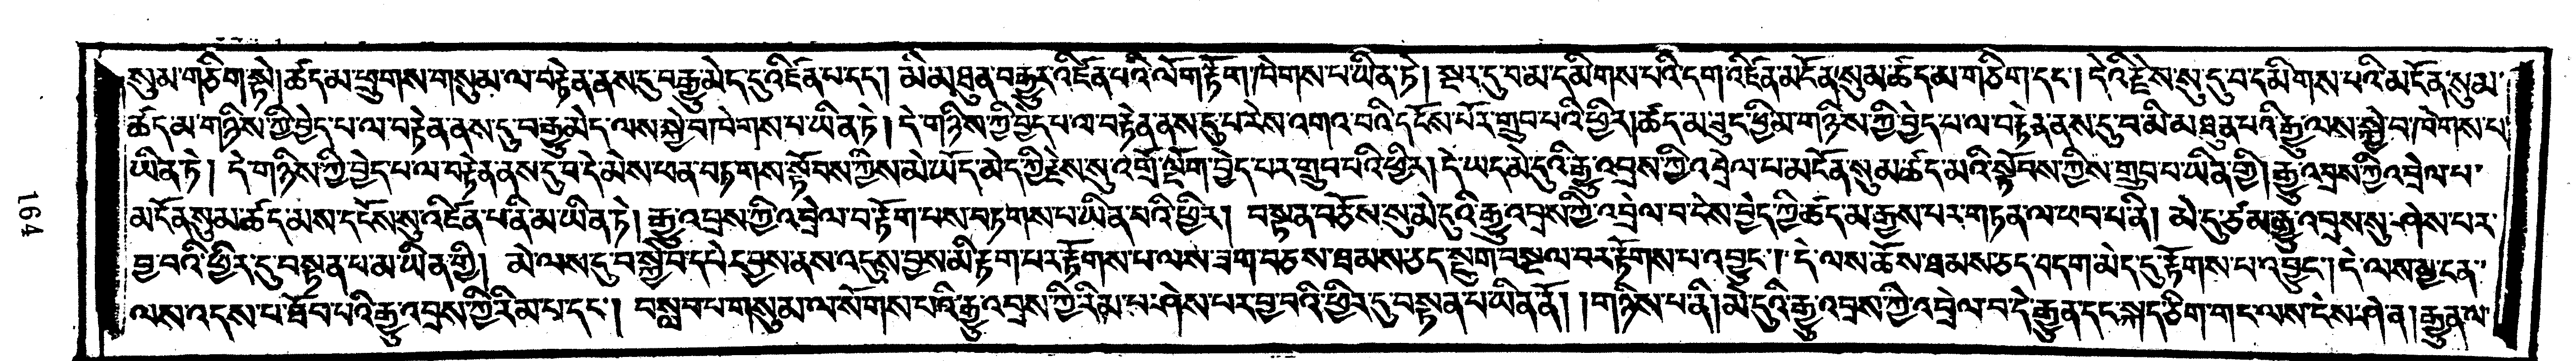སུམ་གཅིག་སྟེ། ཚད་མ་ཕྲུགས་གསུམ་ལ་བརྟེན་ནས་དུ་བ་རྒྱུ་མེད་དུ་འཛིན་པ་དང་། མི་མཐུན་པ་རྒྱུར་འཛིན་པའི་ལོག་རྟོག་ཁེགས་པ་ཡིན་ཏེ། སྔར་དུ་བ་མ་དམིགས་པའི་དག་འཛིན་མངོན་སུམ་ཚད་མ་གཅིག་དང་། དེའི་རྗེས་སུ་དུ་བ་དམིགས་པའི་མངོན་སུམ་
ཚད་མ་གཉིས་ཀྱི་བྱེད་པ་ལ་བརྟེན་ནས་དུ་བ་རྒྱུ་མེད་ལས་སྐྱེ་བ་ཁེགས་པ་ཡིན་ཏེ། དེ་གཉིས་ཀྱི་བྱེད་པ་ལ་བརྟེན་ནས་དུ་བ་རེས་འགའ་བའི་དངོས་པོར་གྲུབ་པའི་ཕྱིར། ཚད་མ་ཟུང་ཕྱི་མ་གཉིས་ཀྱི་བྱེད་པ་ལ་བརྟེན་ནས་དུ་བ་མི་མཐུན་པའི་རྒྱུ་ལས་སྐྱེ་བ་ཁེགས་པ་
ཡིན་ཏེ། དེ་གཉིས་ཀྱི་བྱེད་པ་ལ་བརྟེན་ནས་དུ་བ་དེ་མེས་ཕན་བཏགས་སྟོབས་ཀྱིས་མེ་ཡོད་མེད་ཀྱི་རྗེས་སུ་འགྲོ་ལྡོག་བྱེད་པར་གྲུབ་པའི་ཕྱིར། དེ་ཡང་མེད་དུའི་རྒྱུ་འབྲས་ཀྱི་འབྲེལ་པ་མངོན་སུམ་ཚད་མའི་སྟོབས་ཀྱིས་གྲུབ་པ་ཡིན་གྱི། རྒྱུ་འབྲས་ཀྱི་འབྲེལ་པ་
མངོན་སུམ་ཚད་མས་དངོས་སུ་འཛིན་པ་ནི་མ་ཡིན་ཏེ། རྒྱུ་འབྲས་ཀྱི་འབྲེལ་པ་རྟོག་པས་བཏགས་པ་ཡིན་པའི་ཕྱིར། བསྟན་བཅོས་སུ་མེ་དུའི་རྒྱུ་འབྲས་ཀྱི་འབྲེལ་པ་ངེས་བྱེད་ཀྱི་ཚད་མ་རྒྱས་པར་གཏན་ལ་ཕབ་པ་ནི། མེ་དུ་ཙམ་རྒྱུ་འབྲས་སུ་ཤེས་པར་
བྱ་བའི་ཕྱིར་དུ་བསྟན་པ་མ་ཡིན་གྱི། མེ་ལས་དུ་བ་སྐྱེ་བ་དཔེར་བྱས་ནས་འདུས་བྱས་མི་རྟག་པར་རྟོགས་པ་ལས་ཟག་བཅས་ཐམས་ཅད་སྡུག་བསྔལ་བར་རྟོགས་པ་འབྱུང་། དེ་ལས་ཆོས་ཐམས་ཅད་བདག་མེད་དུ་རྟོགས་པ་འབྱུང་། དེ་ལས་མྱ་ངན་
ལས་འདས་པ་ཐོབ་པའི་རྒྱུ་འབྲས་ཀྱི་རིམ་པ་དང་། བསླབ་པ་གསུམ་ལ་སོགས་པའི་རྒྱུ་འབྲས་ཀྱི་རིམ་པ་ཤེས་པར་བྱ་བའི་ཕྱིར་དུ་བསྟན་པ་ཡིན་ནོ། །གཉིས་པ་ནི། མེ་དུའི་རྒྱུ་འབྲས་ཀྱི་འབྲེལ་པ་དེ་རྒྱུན་དང་སྐད་ཅིག་གང་ལས་ངེས་ཤེ་ན། རྒྱུན་ལ་